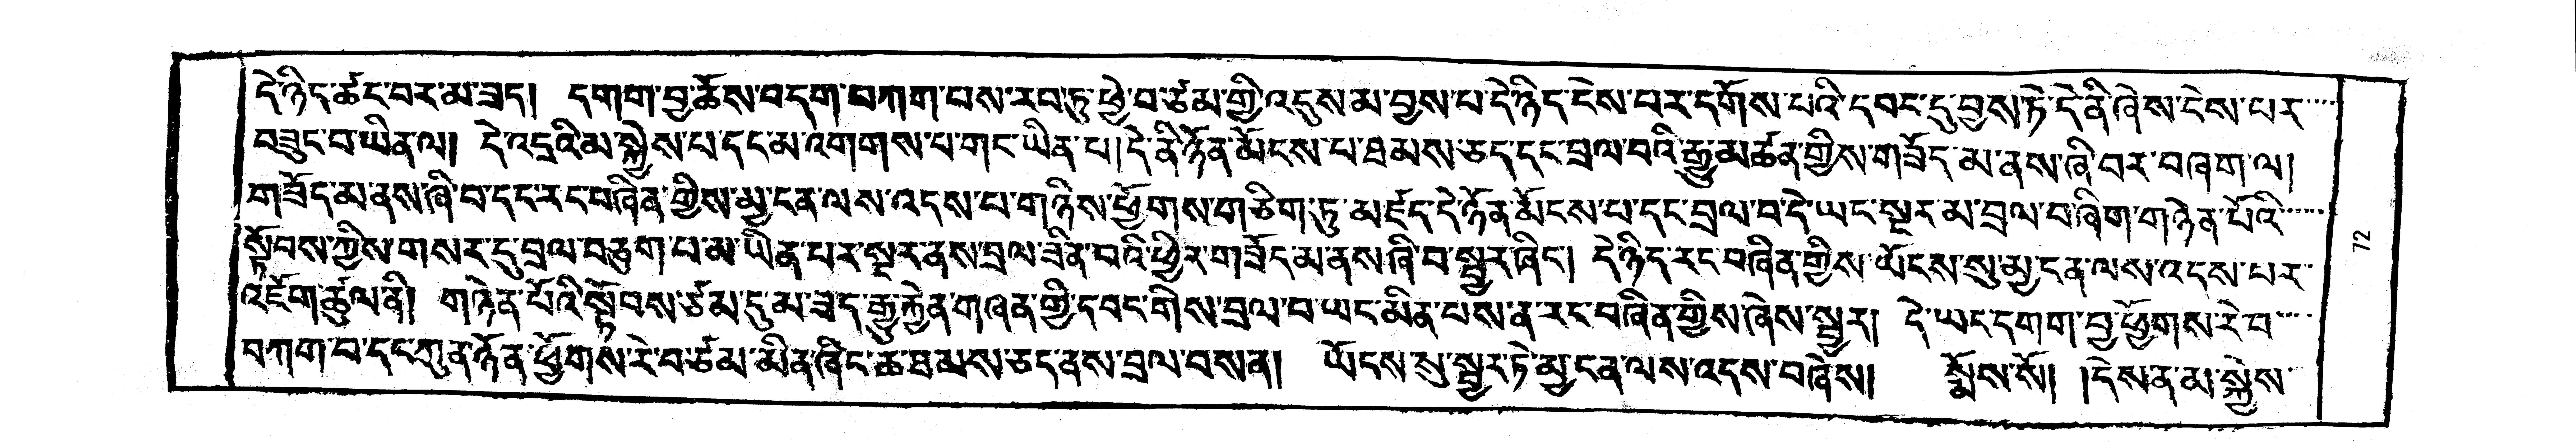དེ་ཉིད་ཚང་བར་མ་ཟད། དགག་བྱ་ཆོས་བདག་བཀག་པས་རབ་ཏུ་ཕྱེ་བ་ཙམ་གྱི་འདུས་མ་བྱས་པ་དེ་ཉིད་ངེས་པར་དགོས་པའི་དབང་དུ་བྱས་ཏེ་དེ་ནི་ཞེས་ངེས་པར་
བཟུང་བ་ཡིན་ལ། དེ་འདྲའི་མ་སྐྱེས་པ་དང་མ་འགགས་པ་གང་ཡིན་པ། དེ་ནི་ཉོན་མོངས་པ་ཐམས་ཅད་དང་བྲལ་བའི་རྒྱུ་མཚན་གྱིས་གཟོད་མ་ནས་ཞི་བར་བཞག་ལ།
གཟོད་མ་ནས་ཞི་བ་དང་རང་བཞིན་གྱིས་མྱ་ངན་ལས་འདས་པ་གཉིས་ཕྱོགས་གཅིག་ཏུ་མཛད་དེ་ཉོན་མོངས་པ་དང་བྲལ་བ་དེ་ཡང་སྔར་མ་བྲལ་བ་ཞིག་གཉེན་པོའི་
སྟོབས་ཀྱིས་གསར་དུ་བྲལ་བཅུག་པ་མ་ཡིན་པར་སྔར་ནས་བྲལ་ཟིན་པའི་ཕྱིར་གཟོད་མ་ནས་ཞི་བ་སྦྱར་ཞིང་། དེ་ཉིད་རང་བཞིན་གྱིས་ཡོངས་སུ་མྱ་ངན་ལས་འདས་པར་
འཇོག་ཚུལ་ནི། གཉེན་པོའི་སྟོབས་ཙམ་དུ་མ་ཟད་རྒྱུ་རྐྱེན་གཞན་གྱི་དབང་གིས་བྲལ་བ་ཡང་མིན་པས་ན་རང་བཞིན་གྱིས་ཞེས་སྦྱར། དེ་ཡང་དགག་བྱ་ཕྱོགས་རེ་བ་
བཀག་བ་དང་ཀུན་ཉོན་ཕྱོགས་རེ་བ་ཙམ་མིན་ཞིང་ཆ་ཐམས་ཅད་ནས་བྲལ་བས་ན། ཡོངས་སུ་སྦྱར་ཏེ་མྱ་ངན་ལས་འདས་བཞེས། སྨོས་སོ། །དེས་ན་མ་སྐྱེས་